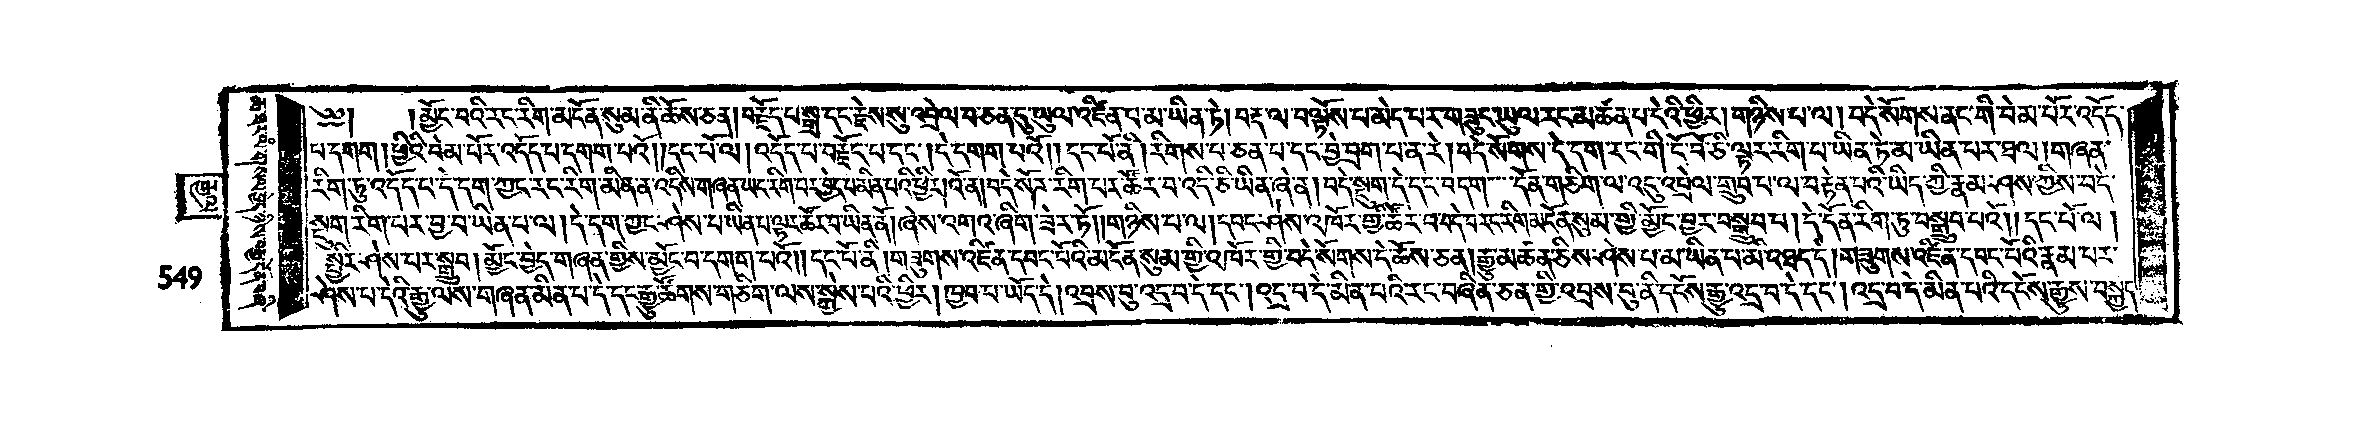༄༅། །མྱོང་བའི་རང་རིག་མངོན་སུམ་ནི་ཆོས་ཅན། བརྗོད་པ་སྒྲ་དང་རྗེས་སུ་འབྲེལ་བ་ཅན་དུ་ཡུལ་འཛིན་པ་མ་ཡིན་ཏེ། བརྡ་ལ་བལྟོས་པ་མེད་པར་གཟུང་ཡུལ་རང་མཚན་པ་དེའི་ཕྱིར། གཉིས་པ་ལ། བདེ་སོགས་ནང་གི་བེམ་པོར་འདོད་
པ་དགག། ཕྱིའི་བེམ་པོར་འདད་པ་དགག་པའོ། །དང་པོ་ལ། འདོད་པ་བརྗོད་པ་དང་། དེ་དགག་པའོ། །དང་པོ་ནི། རིགས་པ་ཅན་པ་དང་བྱེ་བྲག་པ་ན་རེ། བདེ་སོགས་དེ་དག་རང་གི་ངོ་བོ་ཅི་ལྟར་རིག་པ་ཡིན་ཏེ་མ་ཡིན་པར་ཐལ། གཞན་
རིག་ཏུ་འདོད་པ་དེ་དག་ཀྱང་རང་རིག་མིན་ན་འདིས་གཞན་ཡང་རིག་པར་བྱེད་པ་མིན་པའི་ཕྱིར། འོ་ན། བདེ་སོགས་རིག་པར་ཚོར་བ་འདི་ཅི་ཡིན་ཞེ་ན། བདེ་སྡུག་དེ་དང་བདག་དོན་གཅིག་ལ་འདུ་འབྲེལ་གྲུབ་པ་ལ་བརྟེན་པའི་ཡིད་ཀྱི་རྣམ་ཤས་ཀྱིས་བདེ་
སྡུག་རིག་པར་བྱ་བ་ཡིན་པ་ལ། དེ་དག་ཀྱང་ཤེས་པ་ཡིན་པ་ལྟར་ཚོར་བ་ཡིན་ནོ། ཞེས་འགའ་ཞིག་ཟེར་ཏོ། །གཉིས་པ་ལ། དབང་ཤེས་འཁོར་གྱི་ཚོར་བ་བདེ་བ་རང་རིག་མངོན་སུམ་གྱི་མྱོང་བྱར་བསྒྲུབ་པ། དེ་དོན་རིག་ཏུ་བསྒྲུབ་པའོ། །དང་པོ་ལ།
སྤྱིར་ཤེས་པར་སྒྲུབ། མྱོང་བྱེད་གཞན་གྱིས་མྱོང་བ་དགག་པའོ། །དང་པོ་ནི། གཟུགས་འཛིན་དབང་པོའི་མངོན་སུམ་གྱི་འཁོར་གྱི་བདེ་སོགས་དེ་ཆོས་ཅན། རྒྱུ་མཚན་ཅིས་ཤེས་པ་མ་ཡིན་པ་མི་འཐད་དེ། གཟུགས་འཛིན་དབང་པོའི་རྣམ་པར་
ཤེས་པ་དེའི་རྒྱུ་ལས་གཞན་མིན་པ་དེ་དང་རྒྱུ་ཚོགས་གཅིག་ལས་སྐྱེས་པའི་ཕྱིར། ཁྱབ་པ་ཡོད་དེ། འབྲས་བུ་འདྲ་བ་དེ་དང་། འདྲ་བ་དེ་མིན་པའི་རང་བཞིན་ཅན་གྱི་འབྲས་བུ་ནི་དངོས་རྒྱུ་འདྲ་བ་དེ་དང་། འདྲ་བ་དེ་མིན་པའི་དངོས་རྒྱུས་བསྐྱེད་